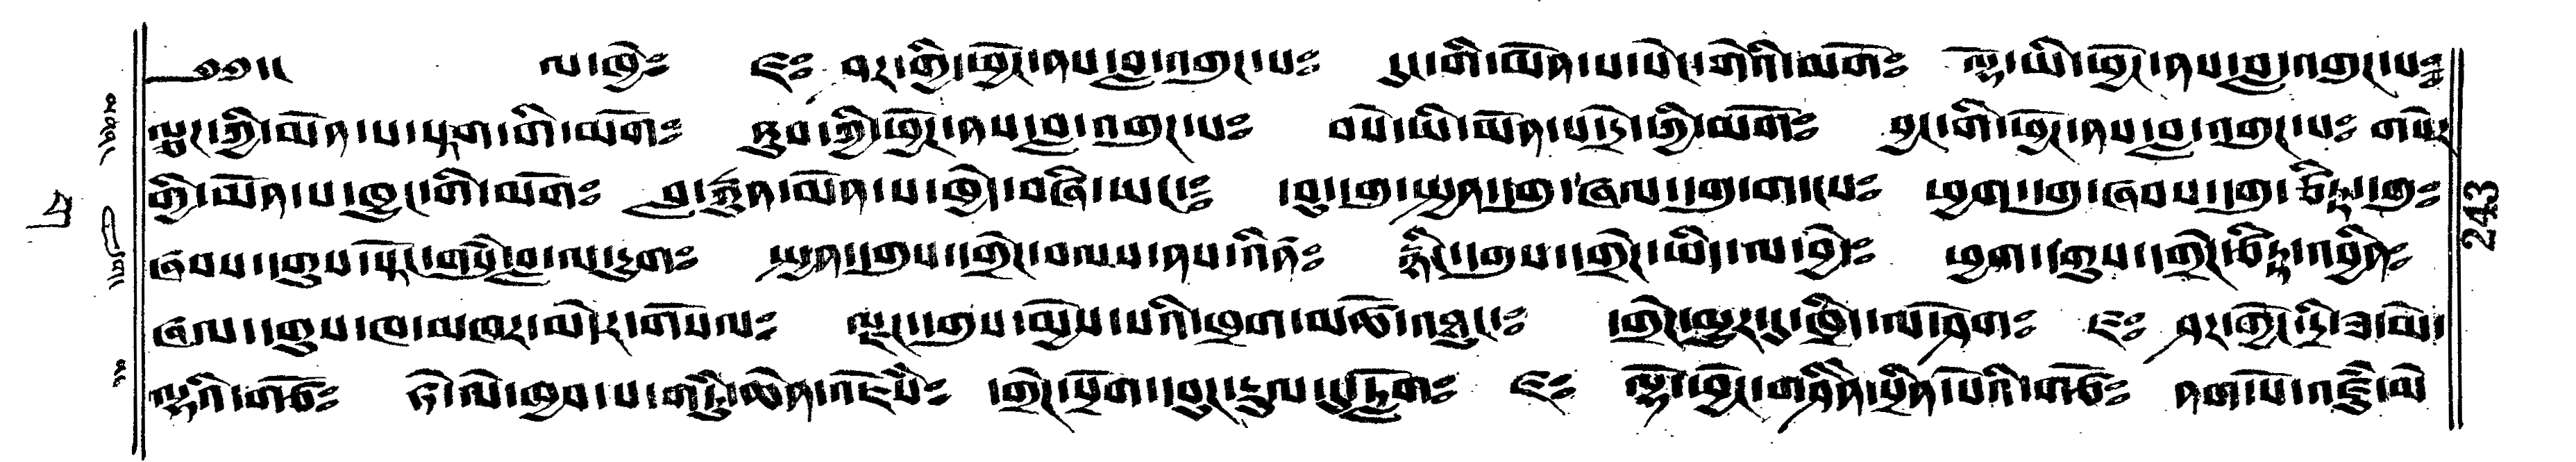ལ་ཁྱེཿ ཛཿ ཤར་གྱི་ཕྱོགས་ནས་བླ་འགུགས་པཿ དུང་གི་མོན་པ་སེང་གེའི་མགོཿ ལྷོ་ཡི་ཕྱོགས་ནས་བླ་འགུགས་པཿ 
ལྕགས་ཀྱི་མོན་པ་སྟག་གི་མགོཿ ནུབ་ཀྱི་ཕྱོགས་ནས་བླ་འགུགས་པཿ བསེ་ཡི་མོན་པ་དྲེད་ཀྱི་མགོཿ བྱང་གི་ཕྱོགས་ནས་བླ་འགུགས་པཿ གསེར་
གྱི་མོན་པ་ཁྱུང་གི་མགོཿ བླ་རྐུན་མོན་པ་ཁྱེད་བཞི་ཡང༔ དབུ་དགུ་སྤྱན་དགུ་ཞལ་དགུ་གདངསཿ ཕྱག་དགུ་ཞབས་དགུ་ཙིཏྟ་དགུཿ 
ཞབས་དགུས་སྟོང་གསུམ་བླ་ལ་རྒྱུགཿ སྤྱན་དགུས་དགྲ་བགེགས་བསལ་ནས་འཛིནཿ སྙིང་དགུས་དགྲ་བགེགས་ཡིད་ལ་བྱེདཿ 
ཕྱག་དགུས་དགྲ་བགེགས་ཙིཏྟ་འབྱིནཿ ཞལ་དགུས་ཁ་མཁར་མདེར་གསོལཿ ལྗགས་དགུས་མྱོས་པའི་ཁྲག་མཚོ་འཐུངཿ དགྲ་བགེགས་མྱུར་དུ་ཁྲིད་ལ་ཤོགཿ ཛཿ ཤར་ཕྱོགས་དྲི་ཟ་མེ་
ལྷའི་གཙོཿ ཧེ་ལེ་ཁྱབ་པ་གཏུམ་ཆེན་འཇོམསཿ དགྲ་བགེགས་སྲོག་དབུགས་རྡུལ་དུ་རློགསཿ ཛཿ ལྷོ་ཕྱོགས་གཤིན་རྗེ་སྲིན་པོའི་གཙོཿ ནག་པོ་འཛུམ་མེད་